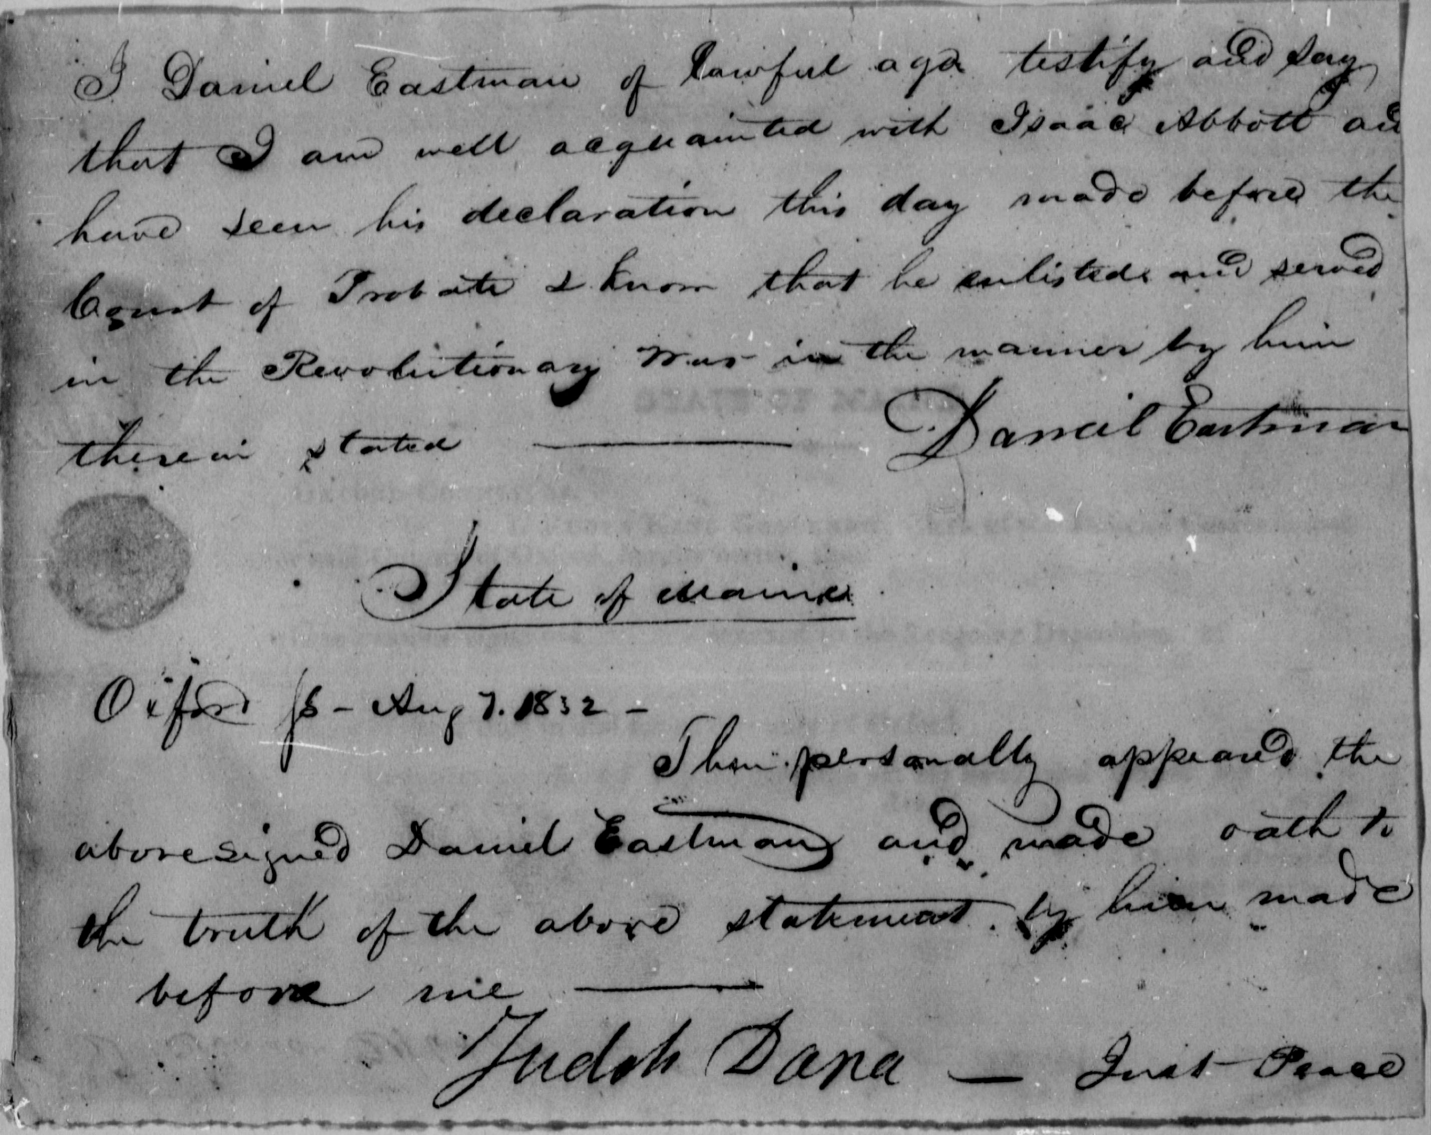I, Daniel Eastman of lawful age testify and say that I am well acquainted with Isaac Abbott and have seen his declaration this day made before the Court of Probate + know that he enlisted and served in the Revolutionary War in the manner by him therein stated [SINGED: Daniel Eastman]

State of Maine

Oxford ss. - Aug 7, 1832 -
Then personally appeared the above signed, Daniel Eastman, and made oath to the truth of the above statement by him, made before me.
[SIGNED: Judah Dana] Just. Peace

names: Daniel Eastman, Daniel Eastman, Daniel Eastman, Judah Dana, Isaac Abbott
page: 32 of 86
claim: survivor's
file: S 29,568, Isaac Abbot, Mass